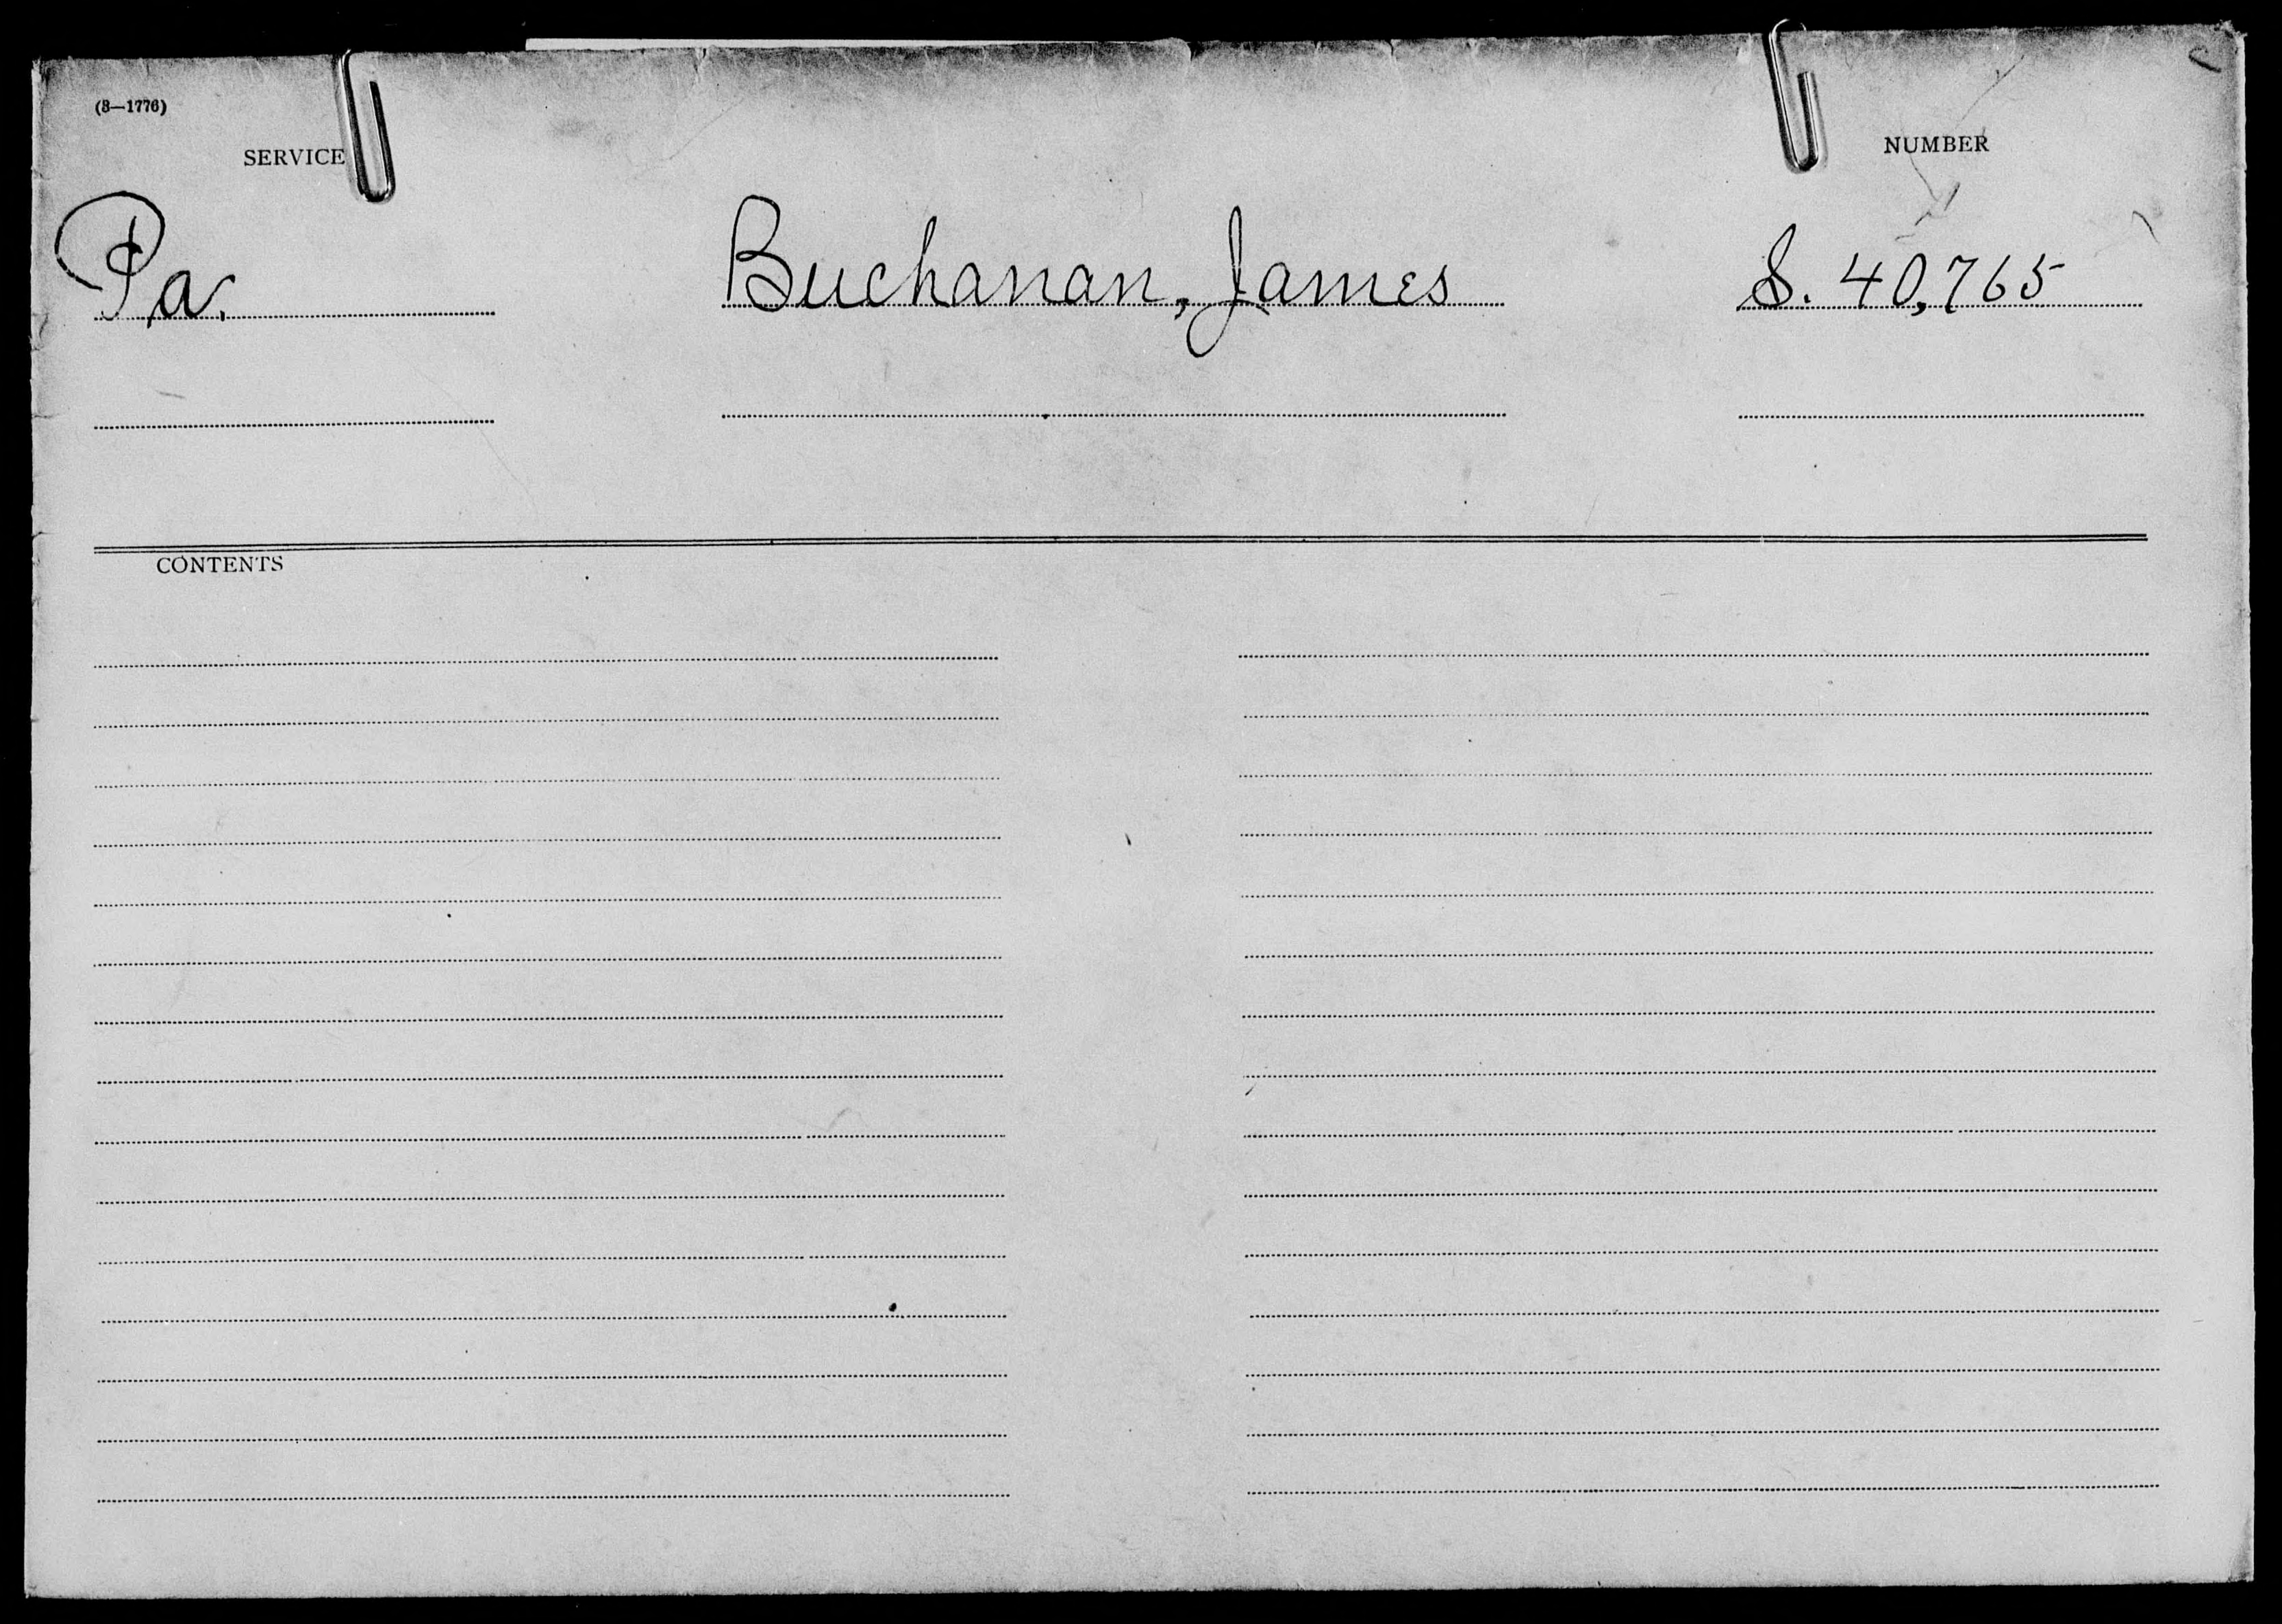SERVICE            |            NUMBER

Pa. | Buchanan, James | S. 40,765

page: 1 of 15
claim: survivor's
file: S. 40,765, James Buchanan, Pa.